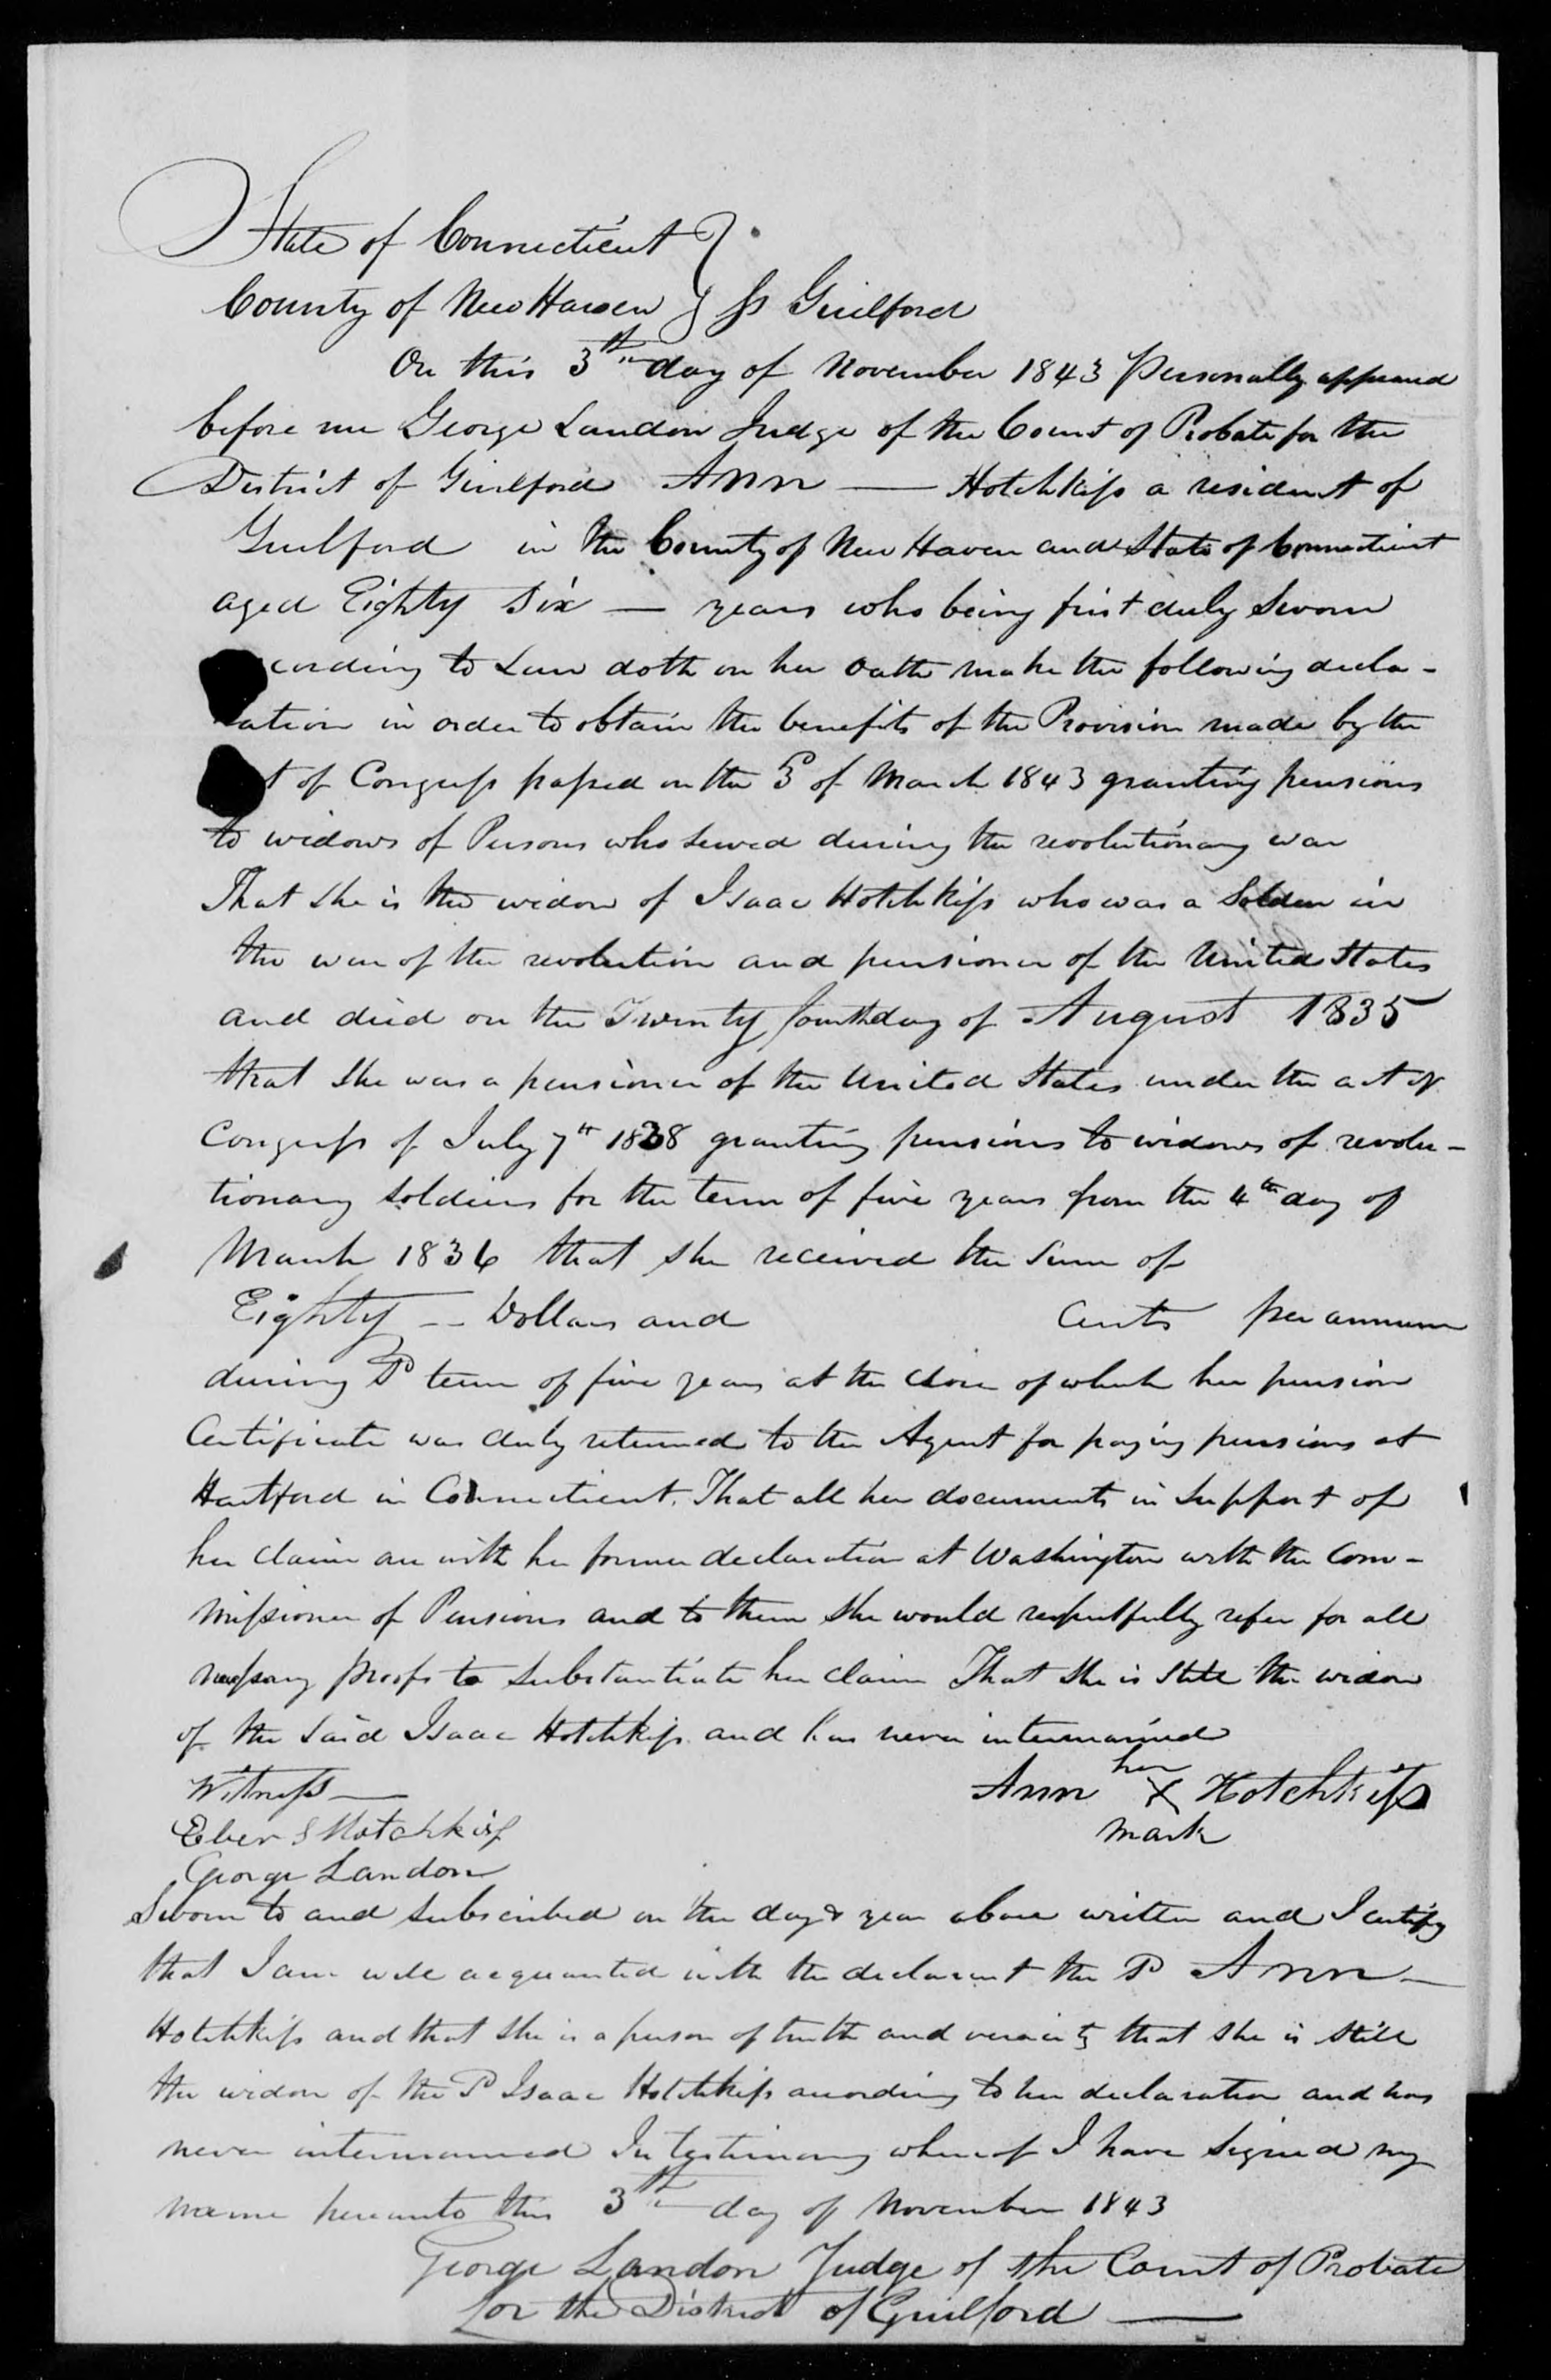State of Connecticut County of New Haven J P Guilford
On this 3rd Day of November 1843 personally appeared before me George Landon Judge of the Court of Probate for the District of Guilford Ann -- Hotchkiss a resident of Guilford in the County of New Haven and State of Connecticut aged Eighty Six- years who being first duly sworn according to Law doth in her oath make the following declaration in order to obtain the benefit of the Pension made by the Act of Congress passed on the 3 of March 1843 granting pensions to widows of Persons who served during the revolutionary war
That she is a widow of Isaac Hotchkiss who was a Soldier in the war of the revolution and pensioner of the United States and died on the  Twenty Fourth of August 1835 that she was a pensioner of the United States under the Act of Congress July 7th 1828 granting pensions to widows of revolutionary war soldiers for the term of five years from the 4th day of March 1836 that she received the sum of Eighty Dollars and      Cents per annum during a term of five years at the close of which her pension Certificate was duly returned to an Agent for paying pensions at Hartford in Connecticut. That all her documents in support of her claim are with her former declaration at Washington with the Commissioner of Pensions and to them she would respectfully refer for all necessary proof to substantiate her claim That she is [illegible} the widow of the said Isaac Hotchkiss and has never intermarried
Ann X (her mark) Hotchkiss
Witnesses
Eben Hotchkiss
George Landon
Sworn and Subscribed in the day + year above written and  I certify that I am well acquainted with the declament her P Ann Hotchkiss and that she is a person of truth and veracity + that she is still the widow of the P Isaac Hotchkiss according to her declaration and has never intermaried In testimony whereof  I have signed my name here unto this 3rd day of March 1843
George Landon Judge of the Court of Probate for the District of Guilford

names: Eber S Hotchkiss, Ann Hotchkiss, Isaac Hotchkiss, George Landon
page: 24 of 25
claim: widow's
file: W. 18,021, Isaac Hotchkiss, Conn.